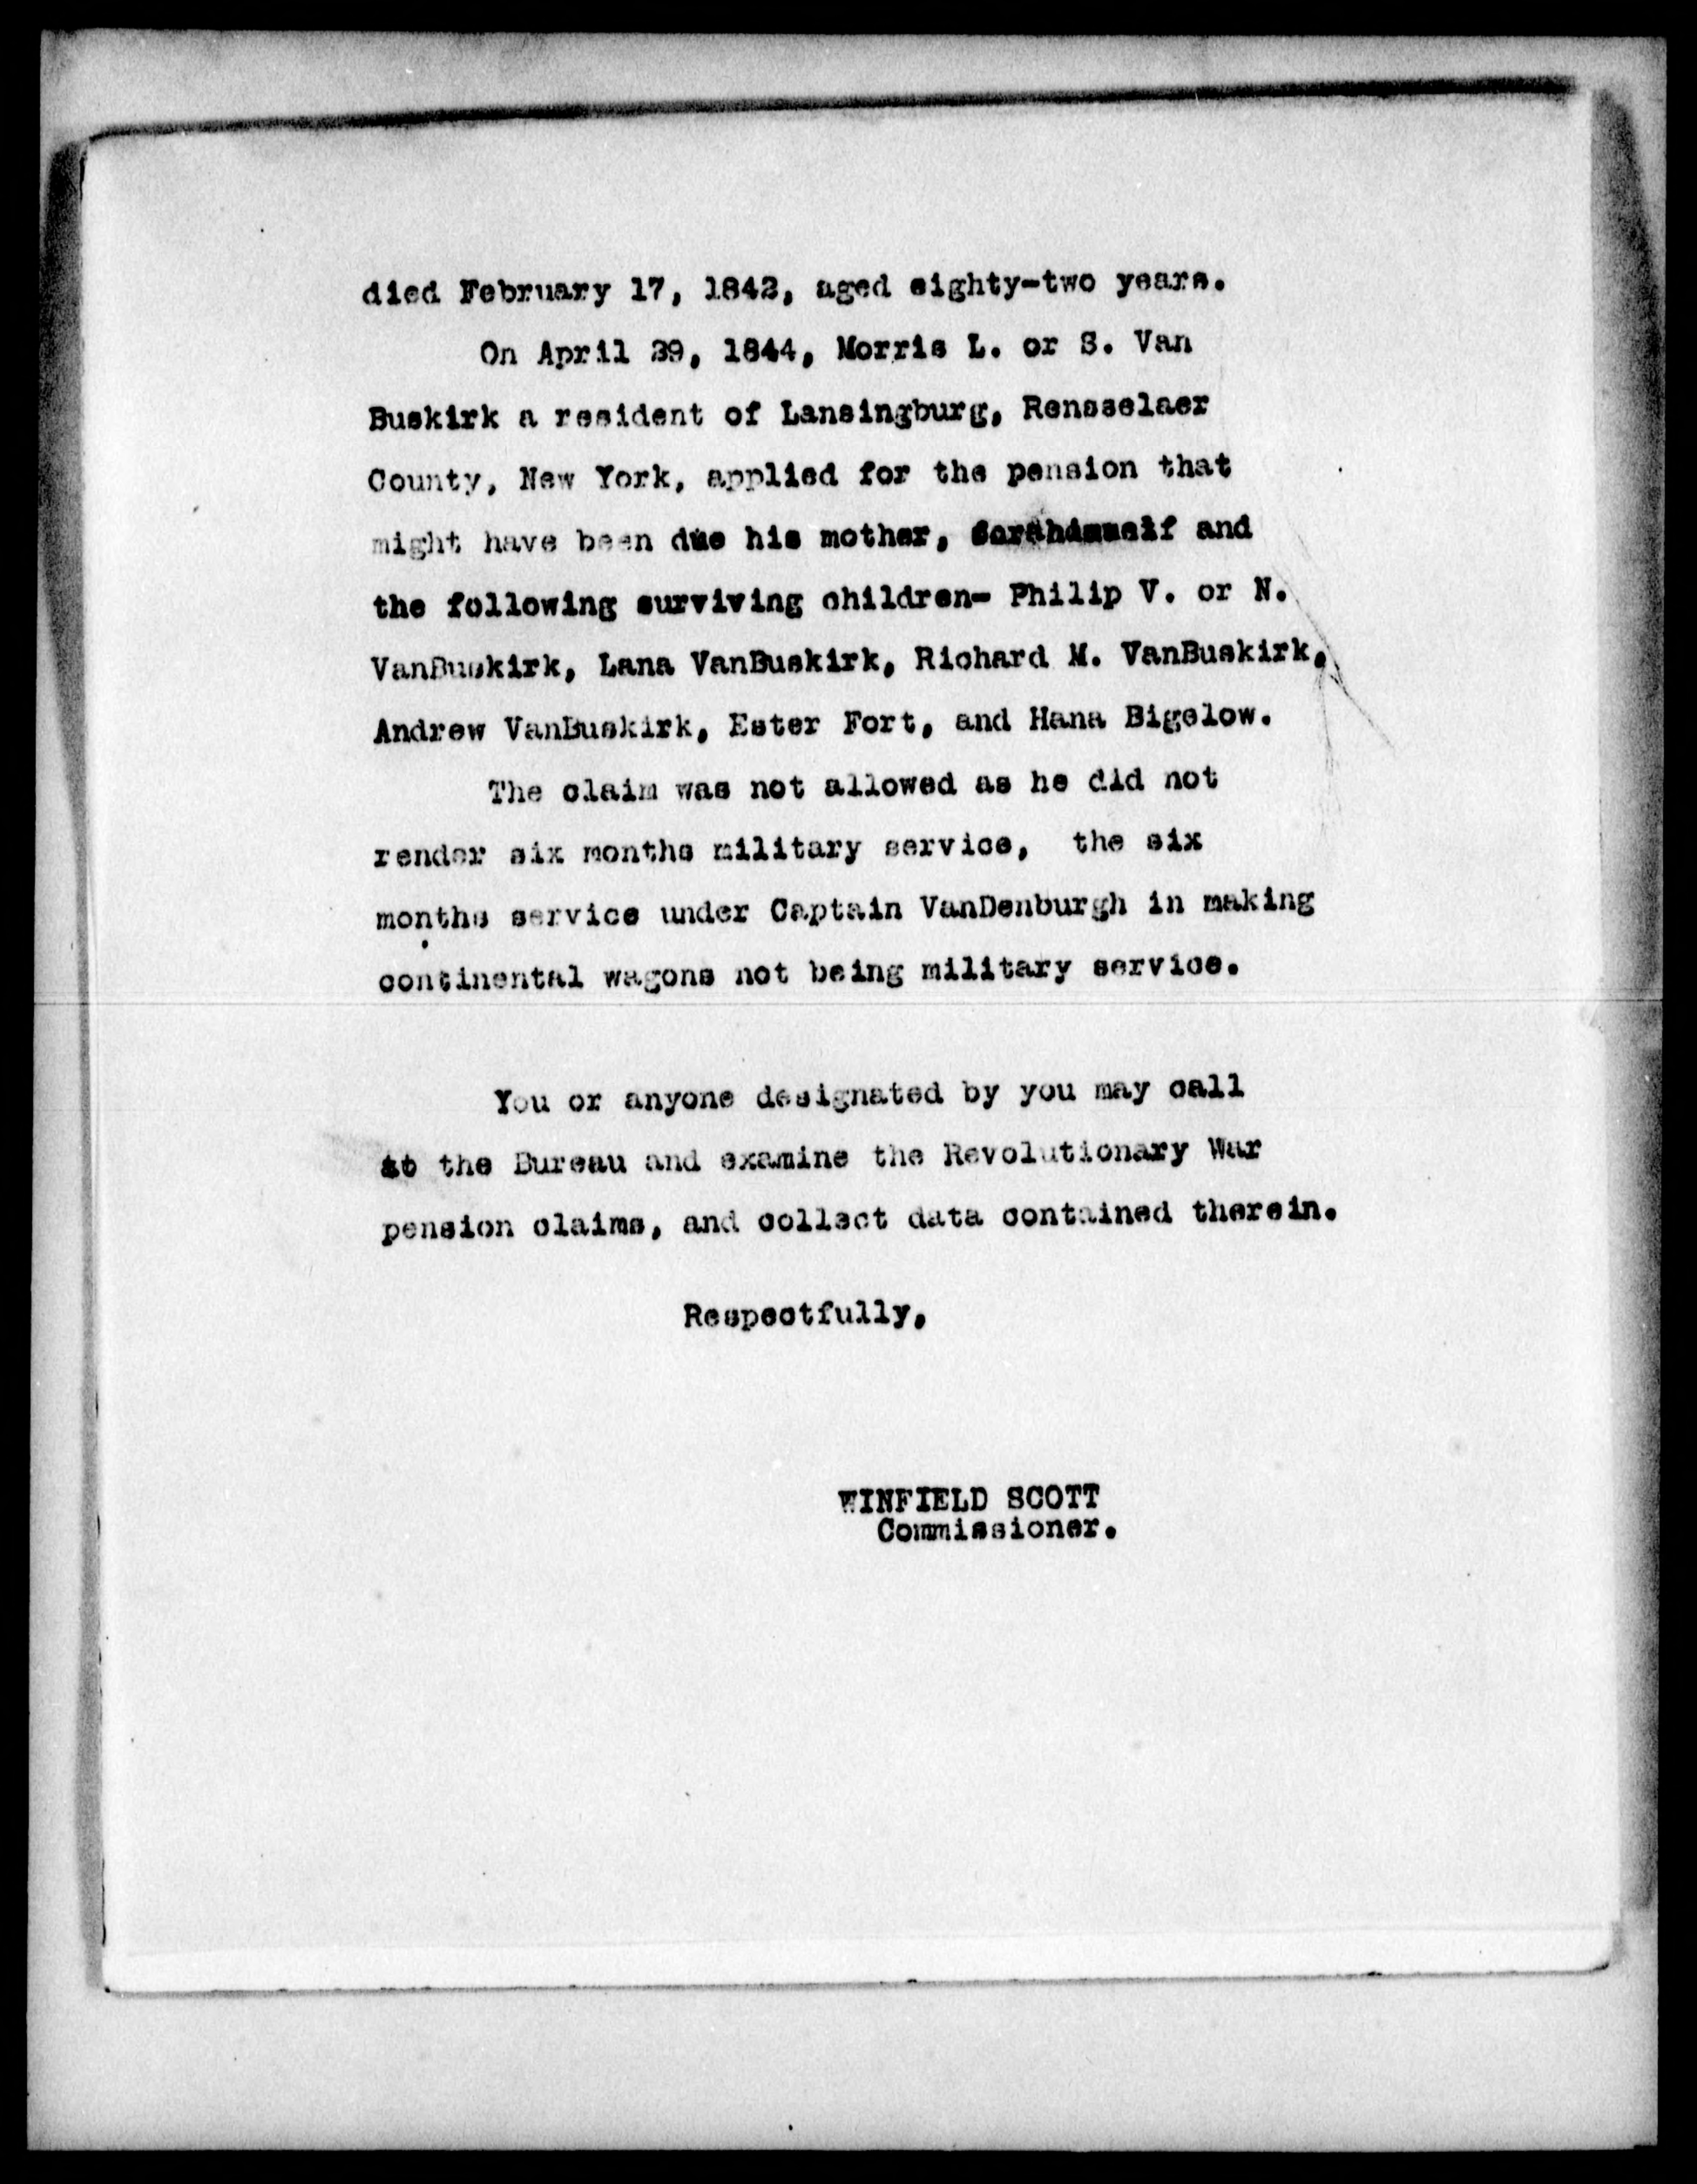died February 17, 1842, aged eighty-two years.

On April 29, 1844, Morris L. or S. VanBuskirk a resident of Lansingburg, Rensselaer County, New York, applied for the pension that might have been due his mother, or himself and the following surviving children - Philip V. or N.
VanBuskirk, Lana VanBuskirk, Richard M. Van Buskirk, Andrew VanBuskirk, Ester Fort, and Hana Bigelow.

The claim was not allowed as he did not
render six months military service, the six
months service under Captain Vandenburgh in making continental wagons not being military service.

You or anyone designated by you may call
at the Bureau and examine the Revolutionary War pension claims, and collect data contained therein.

Respectfully,
WINFIELD SCOTT
Commissioner.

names: Andrew Van Buskirk, Hana Bigelow, Winfield Scott, Philip V Van Buskirk, Ester Fort, Morris L Van Buskirk, Van Denburgh, Richard M Van Buskirk, S Van Buskirk, Lana Van Buskirk, N Van Buskirk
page: 15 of 70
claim: rejected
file: R. 10,832, Martin Van Buskirk, New York.